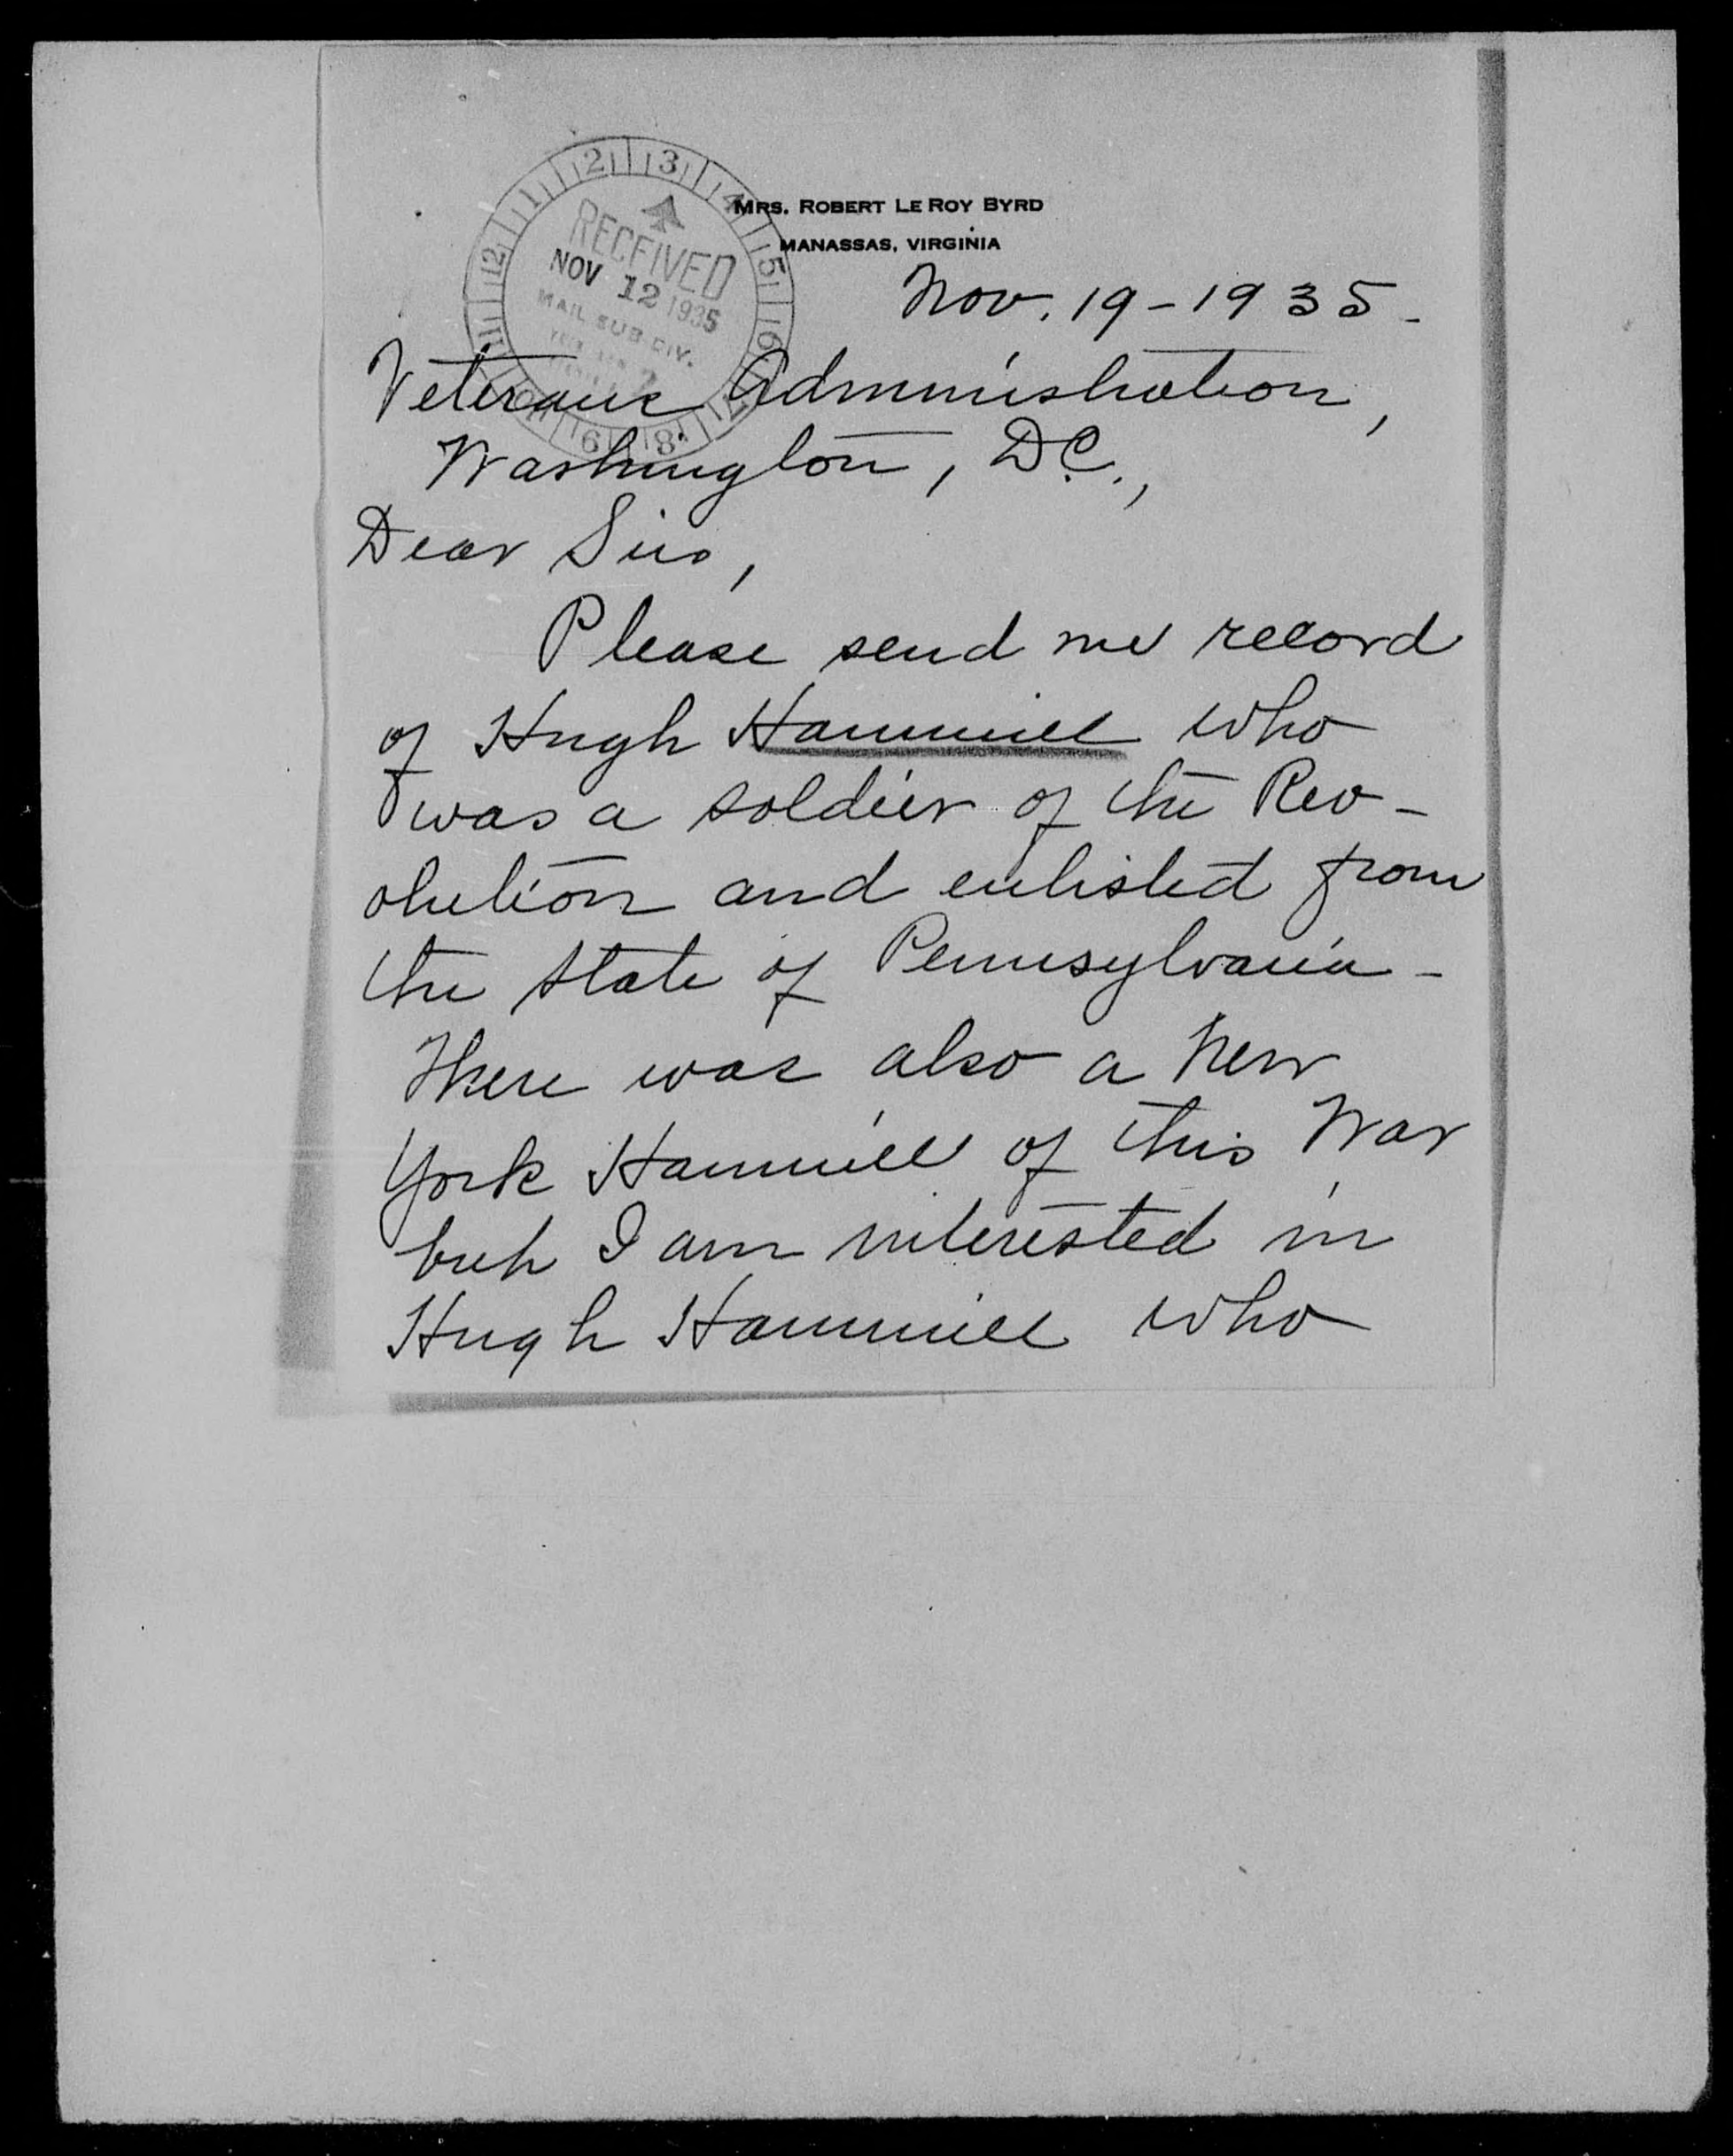RECEIVED
NOV 12 1935
MAIL SUB DIV.
MRS. ROBERT LEROY BYRD
MANASSAS, VIRGINIA
Nov. 19 - 1935
Veterans Administrations,
Washington, D.C.,
Dear Sirs,
Please send me record of Hugh Hammill who was a soldier of the Revolution and enlisted from the state of Pennsylvania.
There was also a New York Hamill of this war [but] I am interested in Hugh Hammill who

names: Hugh Hammill, Hugh Hammill, Robert Le Roy Byrd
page: 54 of 92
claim: widow's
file: W 1173, Robert Hamill, Penn.